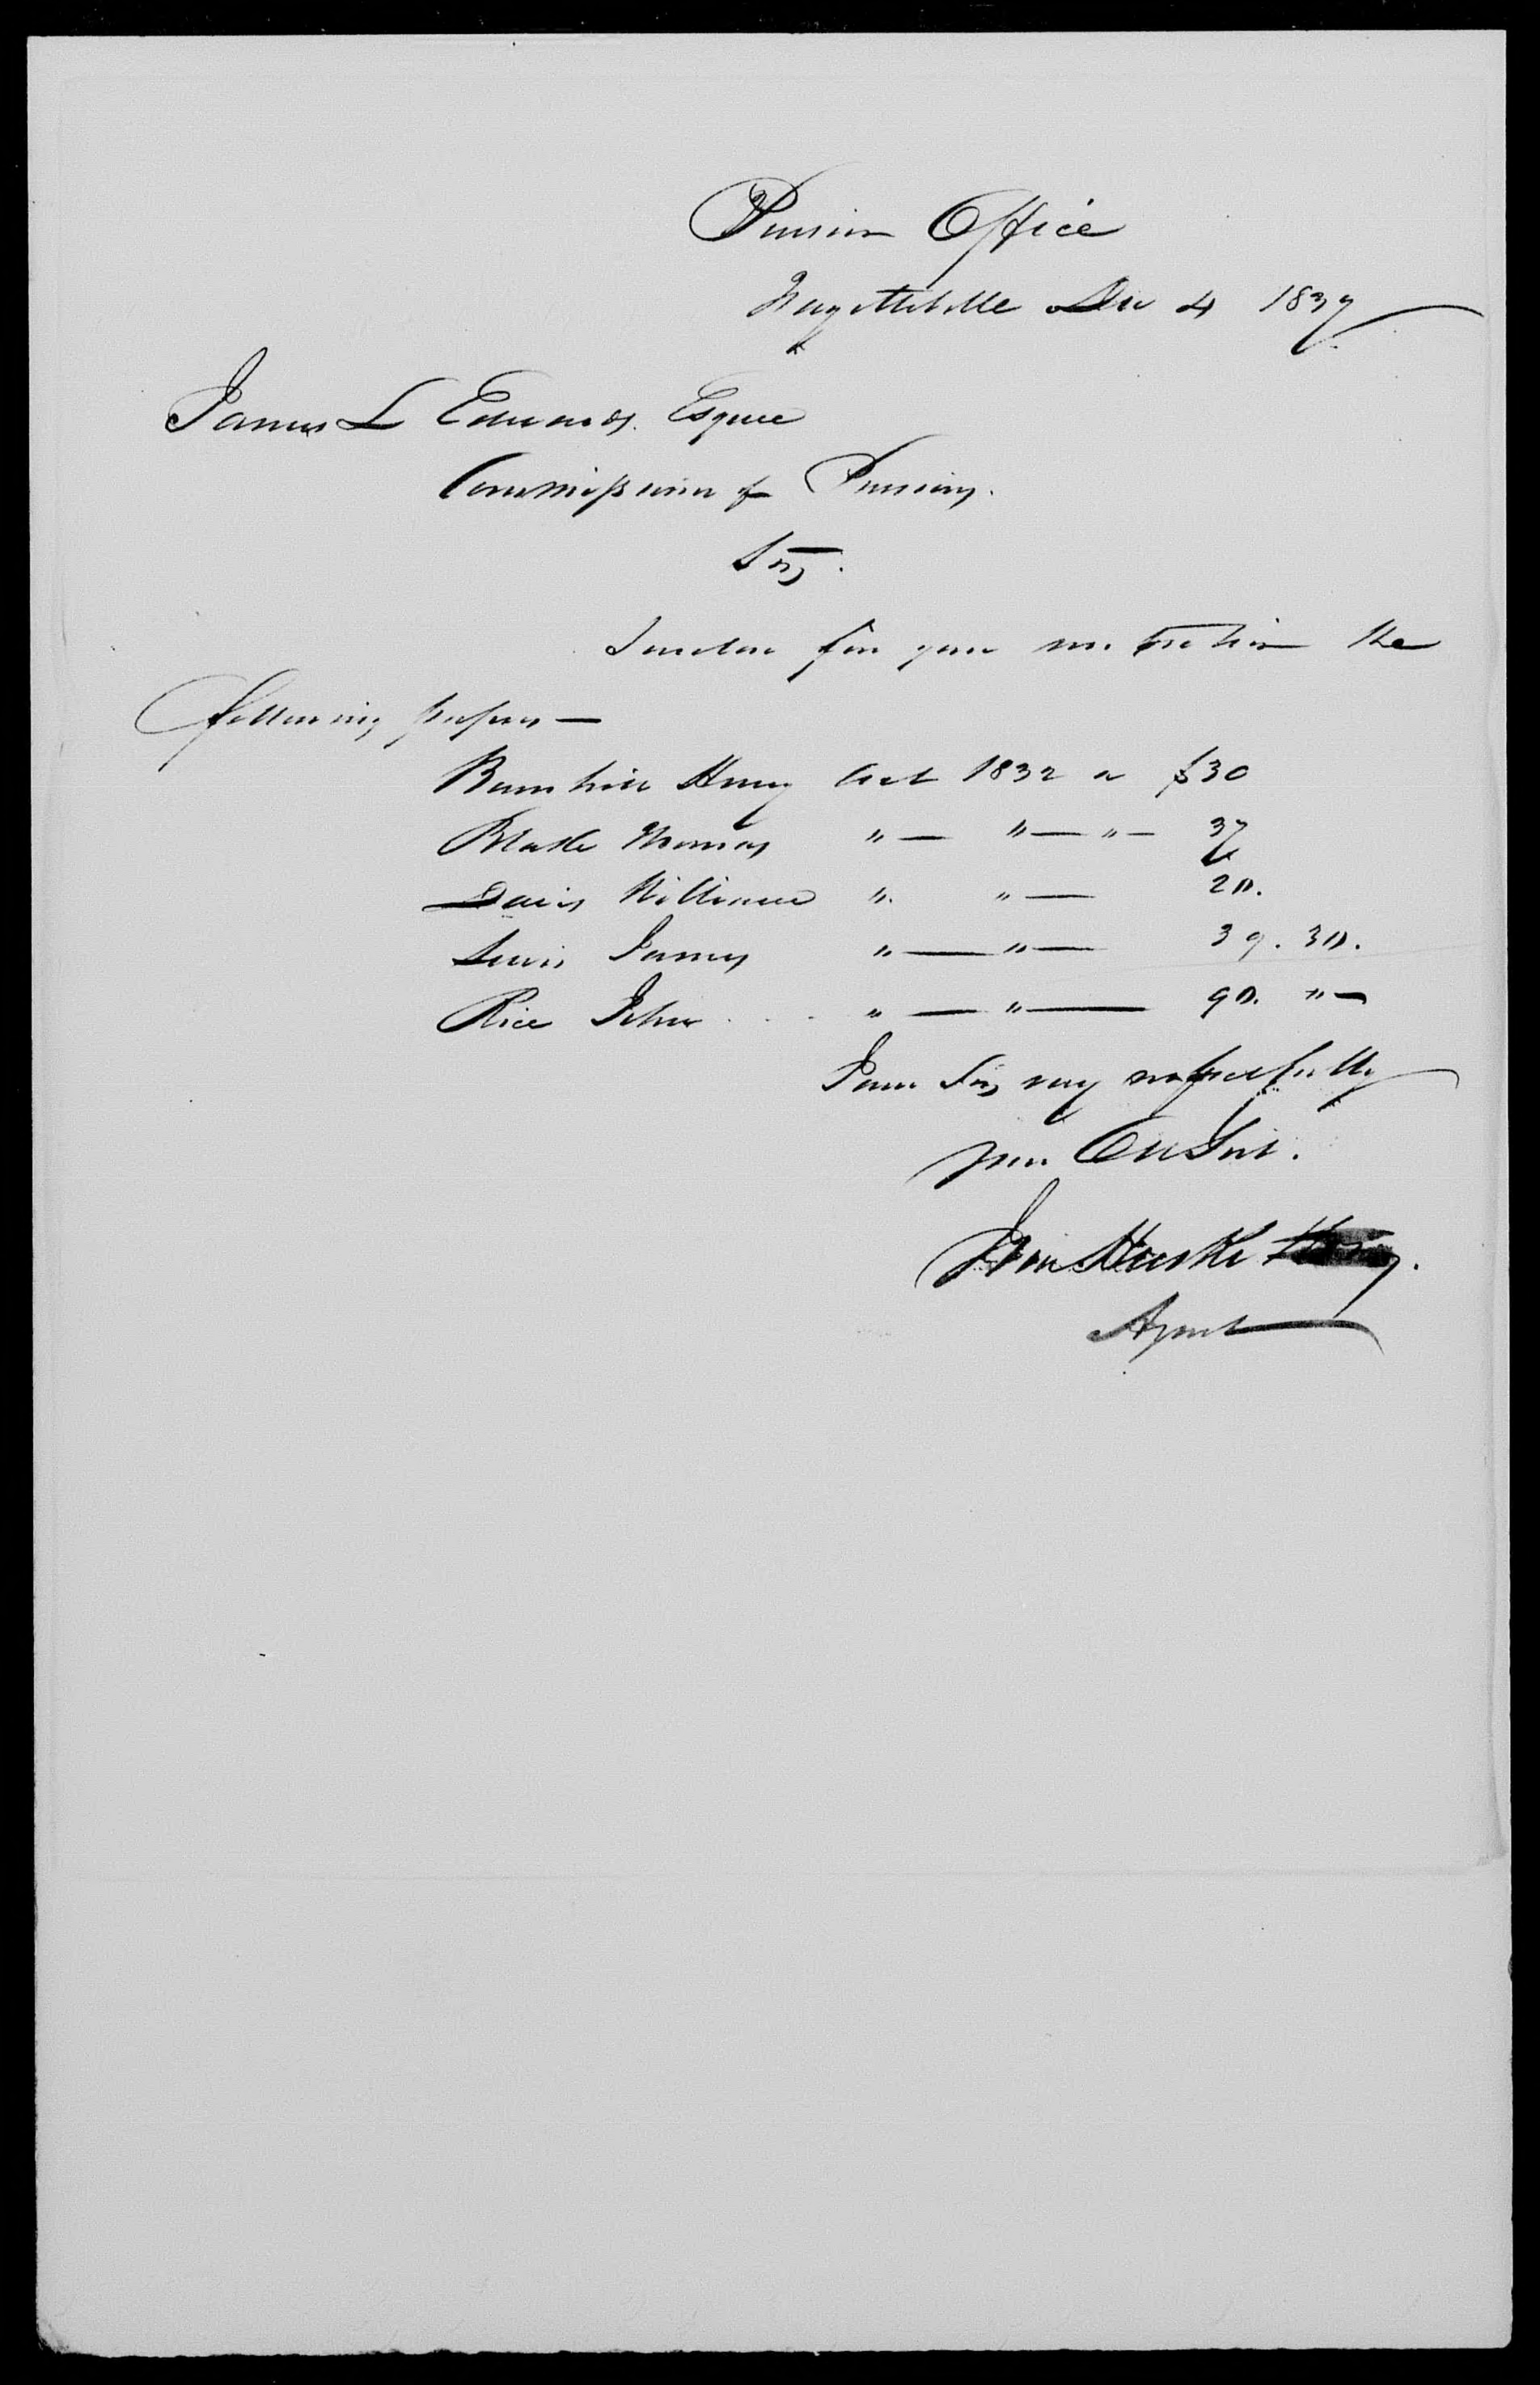Pension Office
Fayetteville Dec 4 1837

James L Edwards Esquire
Commissioner of Pensions.
Sir.
I enclose for your [illegible] The following papers-

Burnhill Henry   Act 1832 "   $30
Blake Thomas     " -    " - " -   37
Davis William      "      " -        20.
Lewis James       " - " -           39.30.
Rice John           " - " -            90. " ~

I am Sir very respectfully
your Obt Svt. [obedient servant]
S/John Huski [crossed out].
Agent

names: James Lewis, James L Edwards, Thomas Blake, William Davis, John Rice, Henry Barnhill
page: 26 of 42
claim: survivor's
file: S. 6579, Henry Barnhill, N. C.